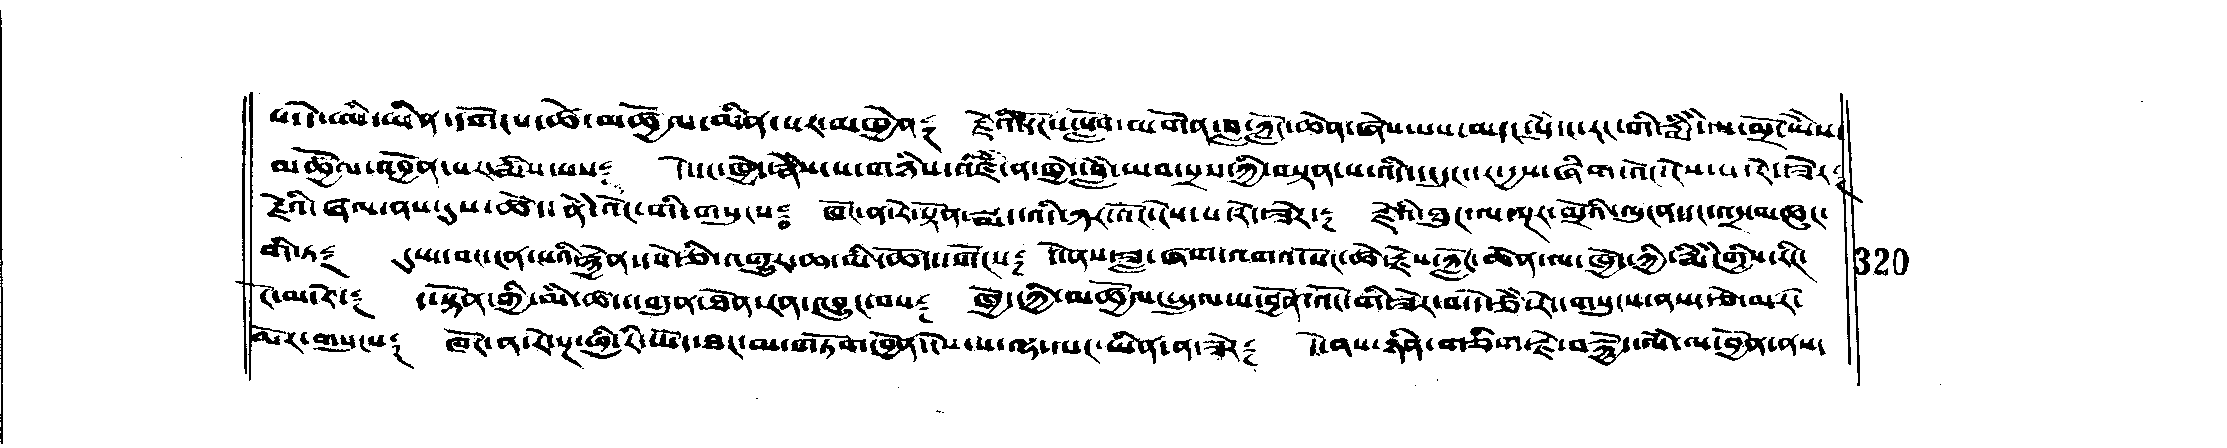བ་དེ་ཨི་ཡིན་དགོངས་ཚེ་མཚོ་རྒྱལ་མིན་པར་མཁྱེན། རྗེའི་དངོས་སློབ་མགོན་བླ་ཀློང་ཆེན་ཞེས་པས་མདང་སུམ་ང་རང་གི་རྨི་ལམ་ལ་མཁའ་འགྲོ་ཡེ་ཤེས་
མཚོ་རྒྱལ་འབྱོན་པར་རྨིས་པས།དེ་དང་ཁྱེད་རྣམ་པ་གཉིས་འཛོམ་ན་ཁྱེད་བླ་མ་ཡབ་སྲས་ཀྱི་བསྟན་པ་འདི་ད་དུང་དར་རྒྱས་ཞིག་འོང་ངེས་པ་རེད་ཟེར། 
རྗེའི་ཞལ་ནས་དུས་ཚོད་ནམ་འོང་གི་གསུངས། ཁོང་ན་རེ་སྟོན་སྨད་འདི་ཀར་འོང་ངེས་པ་རེད་ཟེར། རྗེའི་ཐུགས་ལ་སྔར་མཁའ་འགྲོའི་ལུང་བསྟན་དང་འདྲ་མཚུངས་
གི་ཏ། དུས་དབང་ངན་པའི་རྐྱེན་དེས་ཅི་འགྱུར་ཆ་མི་ཆོད་དགོངས། དེ་ནས་ཟླ་ཞག་འགའ་སོང་ཚེ་རྗེས་ཀློང་ཆེན་ལ་ཁྱོད་ཀྱི་རྨི་ལམ་གྱིས་རིགས་ངོ་མ་རེད། 
ད་སྟོན་གྱི་མི་ཚད་དགུན་ཐོན་རན་འབྱུང་བས། ཁྱོད་ཀྱི་མཚོ་རྒྱལ་སྤྲུལ་པ་བྱོན་འོང་གི་ཟེར་བ་དེ་ཙམ་རེད་གསུངས་ནས་རྩེད་མཚར་
མང་པོར་གསུངས། ཁོང་ན་རེ་སྔ་ཕྱི་རེ་ཡོད་ཐང་མ་གཏོགས་བྱོན་ངེས་པ་ལྷ་དཔང་ཡིན་ན་ཟེར། དེ་ནས་ཉིན་གཅིག་རྗེ་བསྐྱོད་ལམ་ལ་བྱོན་ནས་